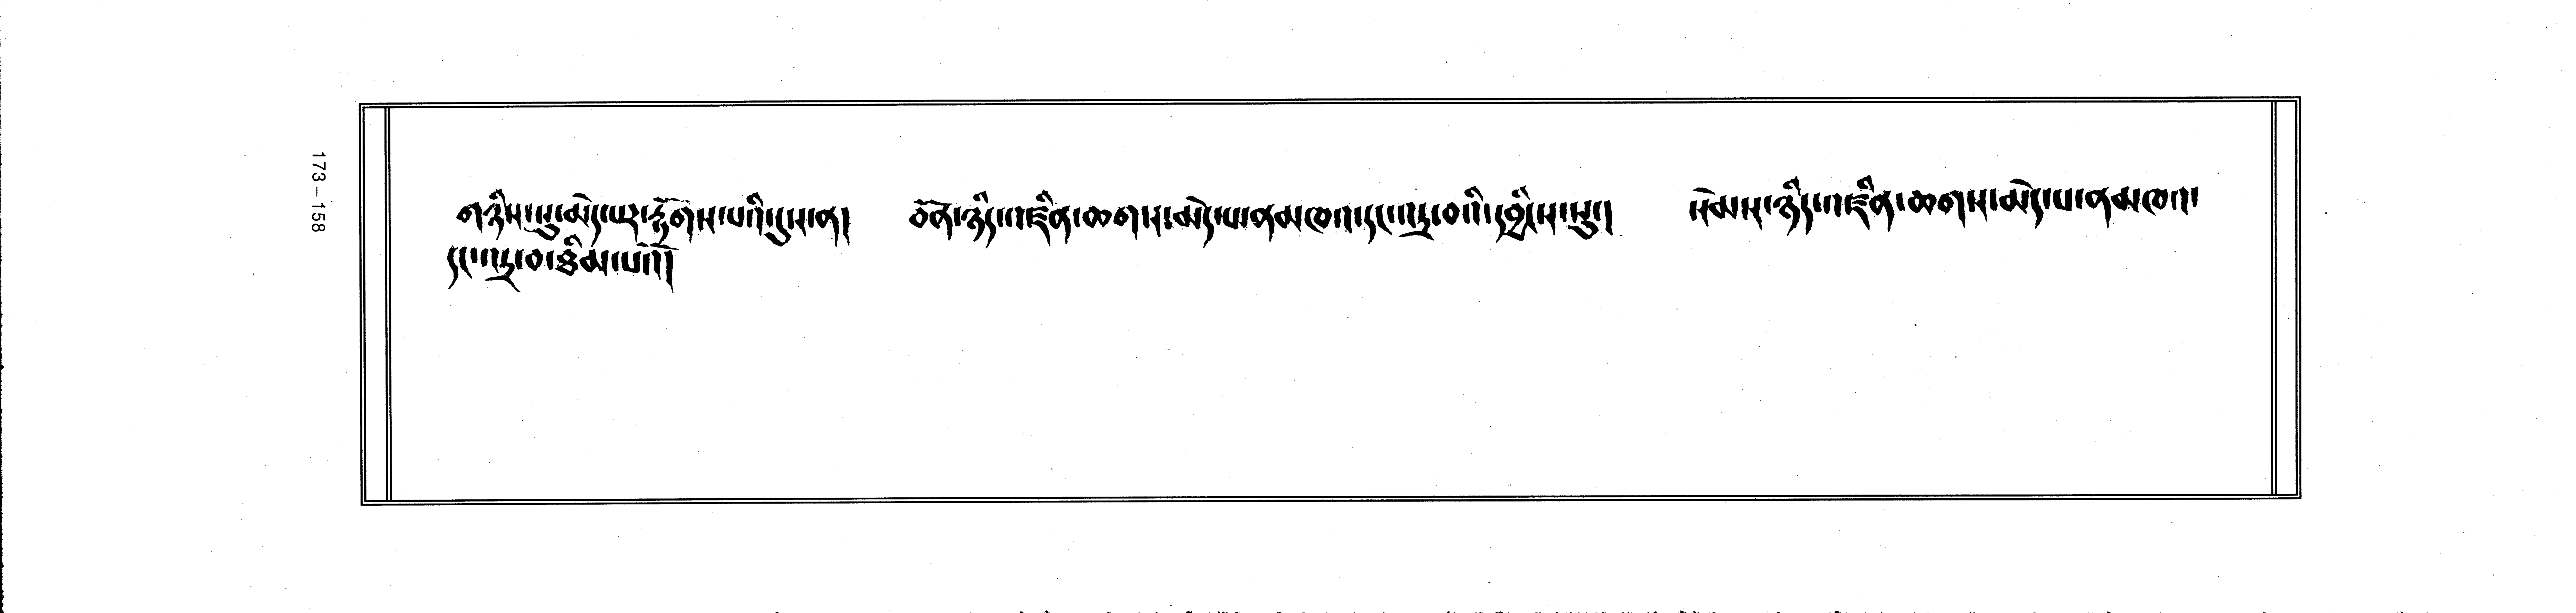གཉིས་སུ་མེད་པར་རྟོགས་པའི་དུས་ན། བོན་ཉིད་འཛིན་ཆགས་མེད་པ་ནམ་མཁའ་དང་འདྲ་བའི་དབྱིངས་སུ། སེམས་ཉིད་འཛིན་ཆགས་མེད་པ་ནམ་མཁའ་
དང་འདྲ་བ་ཐིམ་པའོ། །